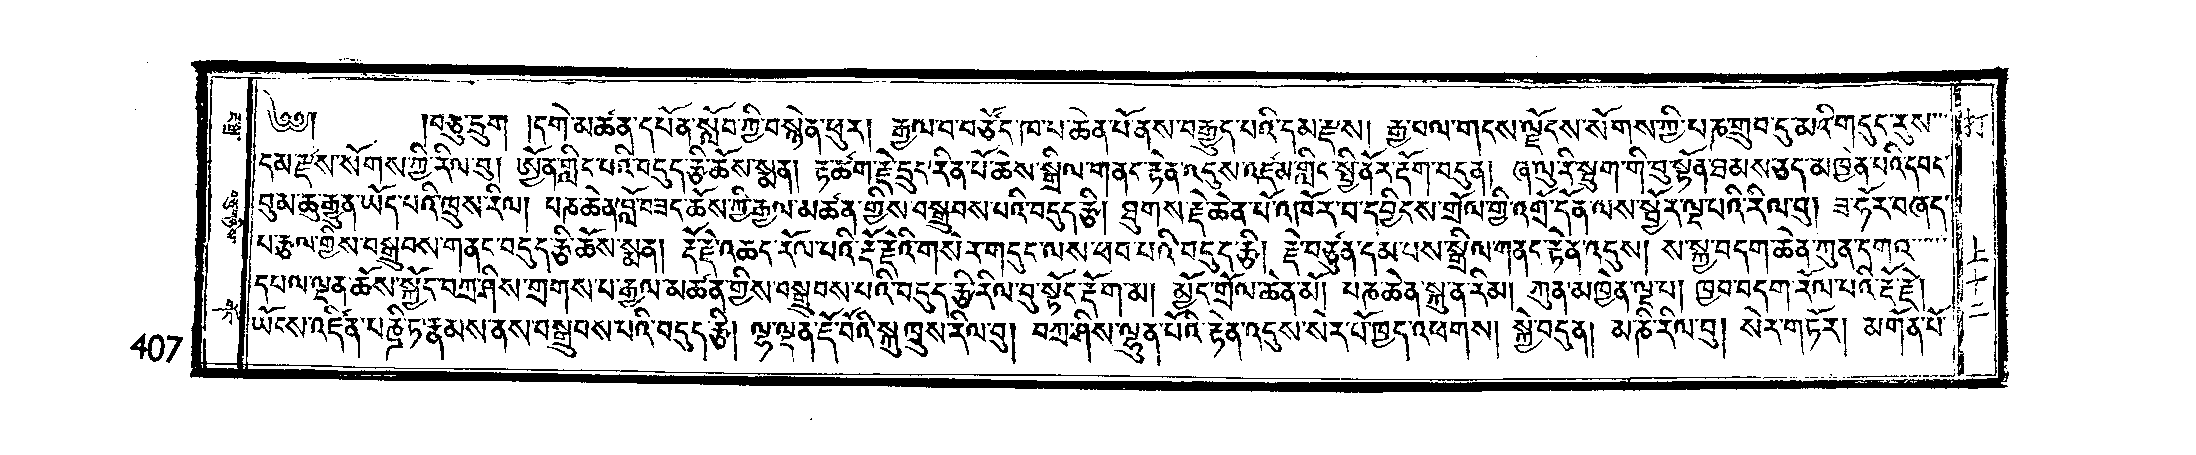༄༅། །བཅུ་དྲུག །དགེ་མཚན་དཔོན་སློབ་ཀྱི་བསྙེན་ཕུར། རྒྱལ་བ་བཙོང་ཁ་པ་ཆེན་པོ་ནས་བརྒྱུད་པའི་དམ་རྫས། རྒྱ་བལ་གངས་ལྗོངས་སོགས་ཀྱི་པཎ་གྲུབ་དུ་མའི་གདུང་རུས་
དམ་རྫས་སོགས་ཀྱི་རིལ་བུ། ཨཡོན་གླིང་པའི་བདུད་རྩི་ཆོས་སྨན། རྟ་ཚག་རྗེ་དྲུང་རིན་པོ་ཆེས་སྒྲིལ་གནང་རྟེན་འདུས་འཛམ་གླིང་སྤྱི་ནོར་རྡོག་བདུན། ཞ་ལུ་རི་སྦུག་གི་བུ་སྟོན་ཐམས་ཅད་མཁྱེན་པའི་དབང་
བུམ་ཆུ་རྒྱུན་ཡོད་པའི་ཁྲུས་རིལ། པཎ་ཆེན་བློ་བཟང་ཆོས་ཀྱི་རྒྱལ་མཚན་གྱིས་བསྒྲུབས་པའི་བདུད་རྩི། ཐུགས་རྗེ་ཆེན་པོ་འཁོར་བ་དབྱིངས་གྲོལ་གྱི་འགྲོ་དོན་ལས་སྦྱོར་ལྔ་པའི་རིལ་བུ། ཟ་ཧོར་བཞད་
པ་རྩལ་གྱིས་བསྒྲུབས་གནང་བདུད་རྩི་ཆོས་སྨན། རྡོ་རྗེ་འཆང་རོལ་པའི་རྡོ་རྗེའི་གསེར་གདུང་ལས་ཕབ་པའི་བདུད་རྩི། རྗེ་བཙུན་དམ་པས་སྒྲིལ་གནང་རྟེན་འདུས། ས་སྐྱ་བདག་ཆེན་ཀུན་དགའ་
དཔལ་ལྡན་ཆོས་སྐྱོང་བཀྲ་ཤིས་གྲགས་པ་རྒྱལ་མཚན་གྱིས་བསྒྲུབས་པའི་བདུད་རྩི་རིལ་བུ་སྟོང་རྡོག་མ། མྱོང་གྲོལ་ཆེན་མོ། པཎ་ཆེན་སྐུ་ན་རིམ། ཀུན་མཁྱེན་ལྔ་པ། ཁྱབ་བདག་རོལ་པའི་རྡོ་རྗེ།
ཡོངས་འཛིན་པཎྜི་ཏ་རྣམས་ནས་བསྒྲུབས་པའི་བདུད་རྩི། ལྷ་ལྡན་ཇོ་བོའི་སྐུ་ཁྲུས་རིལ་བུ། བཀྲ་ཤིས་ལྷུན་པོའི་རྟེན་འདུས་སེར་པོ་ཁྱད་འཕགས། སྐྱེ་བདུན། མ་ཎི་རིལ་བུ། སེར་གཏོར། མགོན་པོ་